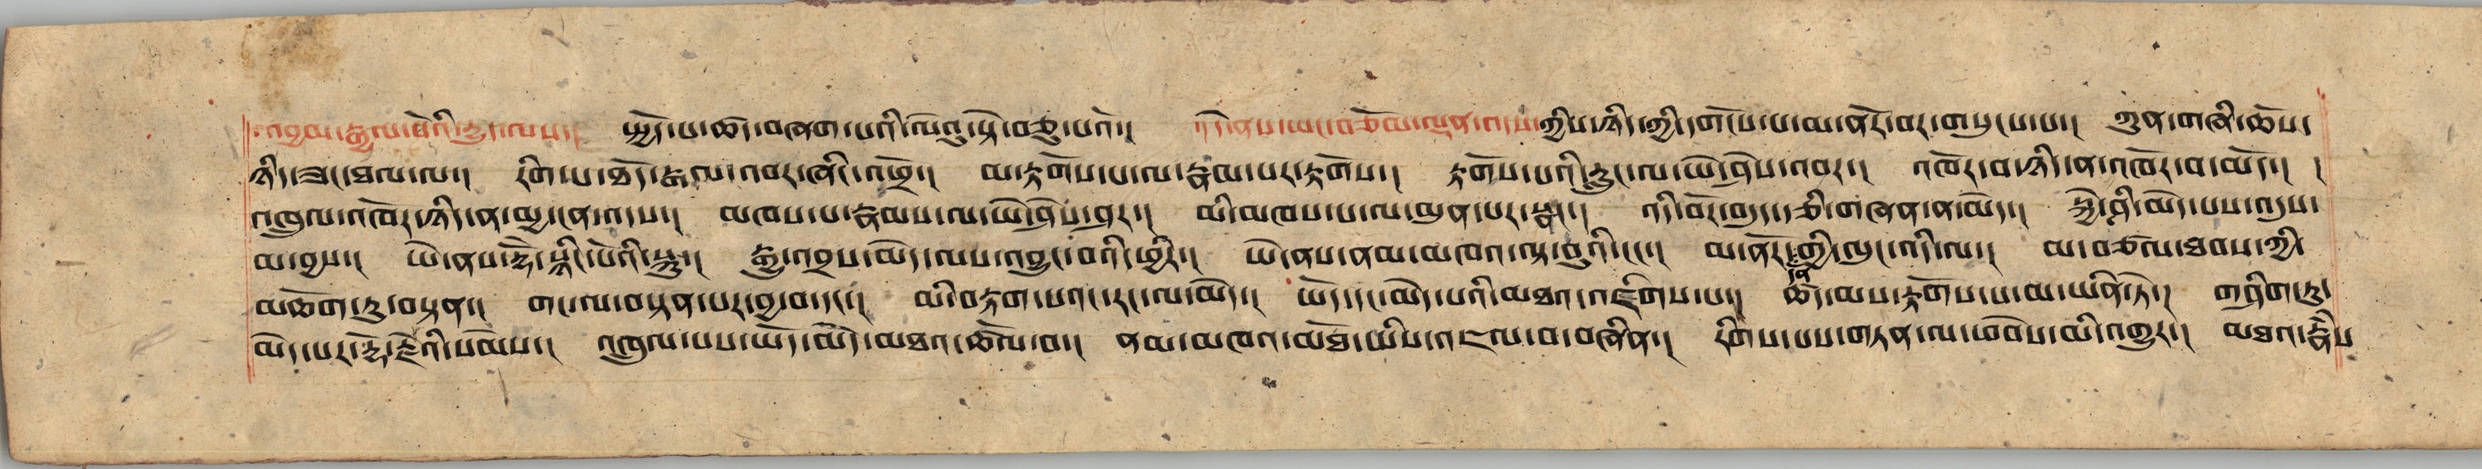འབྱམ་་རྒྱལ་པོའི་དྱུད་ལས་། སྤྱོད་པ་ཚད་བཞག་པའི་ལེའུ་སྟེ་བཅུ་པའོ་། ་།དེ་ནས་ཡང་བཅོམ་ལྡན་འདས་ཀྱིས་ཉིད་ཀྱི་དགོངས་པ་མ་ནོར་བར་གསུངས་པ་། ཀུན་གཞི་ཆོས་
ཉིད་ཟང་ཐལ་ལ་། རིག་པ་ཐོད་རྒལ་འབར་ཞིང་འཕྲོ་། མ་རྟོགས་པ་ལ་རྣམ་པར་རྟོགས་། རྟོགས་པའི་རླུང་ལ་ཡེ་ཤེས་འབར་། འཁོར་བ་ཉིད་ན་འཁོར་བ་མོད་།
འཁྲུལ་འཁོར་ཉིད་ན་མྱ་ངན་འདས་། མཁས་པ་རྣམས་ལ་ཡེ་ཤེས་ཤར་། མི་འཁས་པ་ལ་མུན་པར་སྣང་། འདི་བོར་བདུད་རྩི་གཞན་ན་མེད་། སྐྱེ་ཤི་མེད་པས་འདུས་
མ་བྱས་། ཡེ་ནས་རྡོེ་སྙིང་པོའི་སྐུ་། རྒྱུ་འབྲས་མེད་ལས་འབྱུང་བའི་ཕྱིར་། ཡེ་ནས་ནམ་མཁའ་ལྟ་བུའི་ངང་། མ་ནོར་དོན་གྱི་ལུང་འདི་ལ་། མ་བཙལ་ཐབས་ཀྱི་
མཆོག་ཏུ་བསྟན་། གང་ལ་བསྟན་པར་བྱ་བ་དང་། མི་བརྟག་པའང་རང་ལ་མེད་། ཡོད་དང་མེད་པའི་མཐའ་འཇིགས་པ་། ཚད་མས་རྟོགས་པ་མ་ཡིན་ཏེ་། གཤིག་ཏུ་
མེད་པར་རྡོ་རྗེའི་སེམས་། འཁྲུལ་པས་ཡོད་མེད་མཐའ་ཚོལ་བ་། ནམ་མཁའ་མཐོ་ཡིས་འཇལ་བ་བཞིན་། རིགས་པས་གཏན་ལ་ཕེབས་མི་འགྱུར་། མཐའ་རྣཾས་